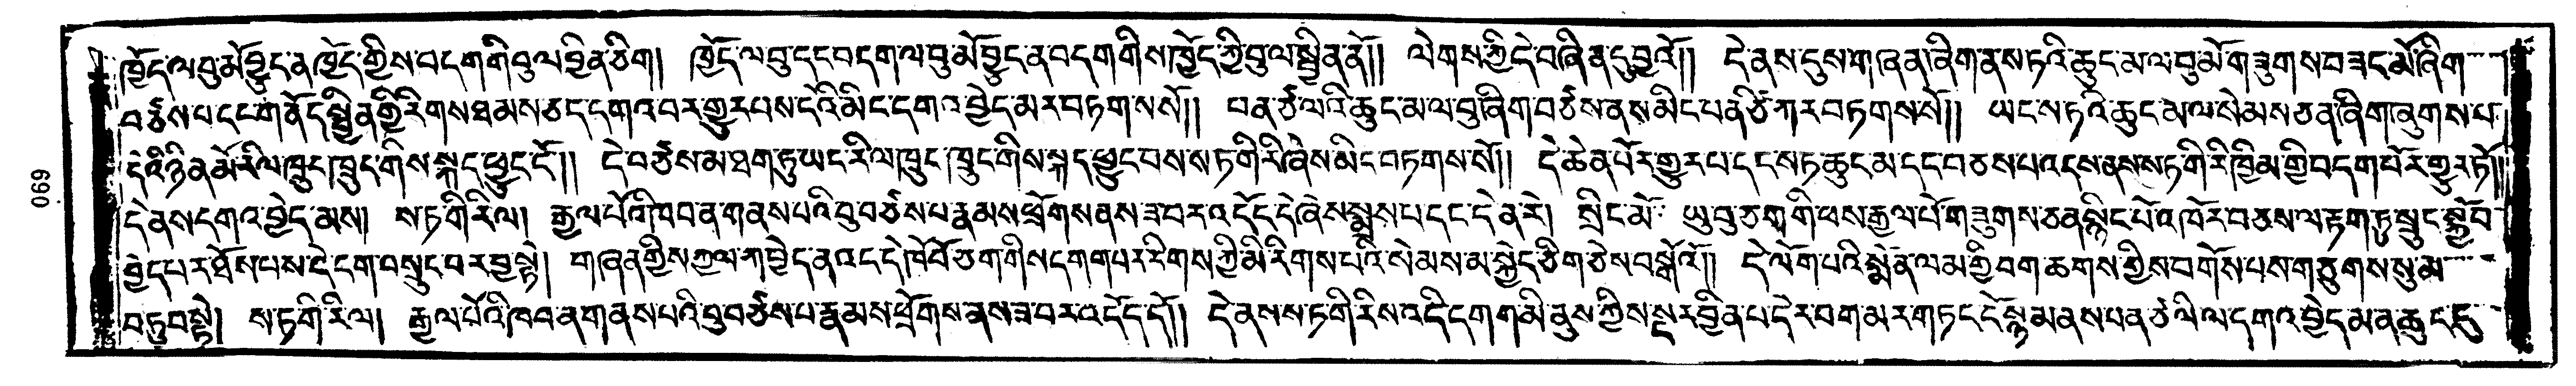ཁྱོད་ལ་བུ་མོ་བྱུང་ན་ཁྱོད་གྱིས་བདག་གི་བུལ་བྱིན་ཅིག། ཁྱོད་ལ་བུ་དང་བདག་ལ་བུ་མོ་བྱུང་ན་བདག་གིས་ཁྱོད་ཀྱི་བུ་ལ་སྦྱིན་ནོ།། ལེགས་ཀྱི་དེ་བཞིན་དུ་བྱའོ།། དེ་ནས་དུས་གཞན་ཞིག་ནས་ཏའི་ཆུང་མ་ལ་བུ་མོ་གཟུགས་བཟང་མོ་ཞིག་
བཙས་པ་དང་གནོད་སྦྱིན་གྱི་རིགས་ཐམས་ཅད་དགའ་བར་གྱུར་པས་དེའི་མིང་དགའ་བྱེད་མར་བཏགས་སོ།། པན་ཙ་ལའི་ཆུང་མ་ལ་བུ་ཞིག་བཙས་ནས་མིང་པན་ཙི་ཀར་བཏགས་སོ།། ཡང་ས་ཏའི་ཆུང་མ་ལ་སེམས་ཅན་ཞིག་ཞུགས་པ་
དེའི་ཉིན་མོ་རིལ་ཁྲུང་ཁྲུང་གིས་སྐད་ཕྱུང་ངོ།། དེ་བཙས་མ་ཐག་ཏུ་ཡང་རིལ་ཁྲུང་ཁྲུང་གིས་སྐད་ཕྱུང་བས་ས་ཏ་གི་རི་ཞེས་མིང་བཏགས་སོ།། དེ་ཆེན་པོར་གྱུར་པ་དང་ས་ཏ་ཆུང་མ་དང་བཅས་པ་འདས་ནས་ས་ཏ་གི་རི་ཁྱིམ་གྱི་བདག་པོར་གྱུར་ཏོ།།
དེ་ནས་དགའ་བྱེད་མས། ས་ཏ་གི་རིལ། རྒྱལ་པོའི་ཁབ་ན་གནས་པའི་བུ་བཙས་པ་རྣམས་ཕྲོགས་ནས་ཟ་བར་འདོང་དེ་ཞེས་སྨྲས་པ་དང་དེ་ན་རེ། སྲིང་མོ༑ ཡུ་བུ་ཅག་གི་ཕས་རྒྱལ་པོ་གཟུགས་ཅན་སྙིང་པོ་འཁོར་བཅས་ལ་རྟག་ཏུ་སྲུང་སྐྱོབ་
བྱེད་པར་ཐོས་པས་དེ་དག་བསྲུང་བར་བྱ་སྟེ། གཞན་གྱིས་ཀྱལ་ཀ་བྱེད་ནའང་དེ་ཁོ་བོ་ཅག་གིས་དགག་པར་རིགས་ཀྱི་མི་རིགས་པའི་སེམས་མ་སྐྱེད་ཅིག་ཅེས་བསྒོའོ།། དེ་ལོག་པའི་སྨོན་ལམ་གྱི་བག་ཆགས་གྱིས་བགོས་པས་གཅུགས་སུ་མ་
བཏུབ་སྟེ། ས་ཏ་གི་རི་ལ། རྒྱལ་པོའི་ཁབ་ན་གནས་པའི་བུ་བཙས་པ་རྣམས་ཕྲོགས་ནས་ཟ་བར་འདོད་དོ།། དེ་ནས་ས་ཏ་གི་རིས་འདི་དགག་མི་ནུས་ཀྱིས་སྔར་བྱིན་པ་དེར་བག་མར་གཏང་ངོ་སྙམ་ནས་པན་ཙ་ལི་ལ་དགའ་བྱེད་མ་ན་ཆུང་དུ་